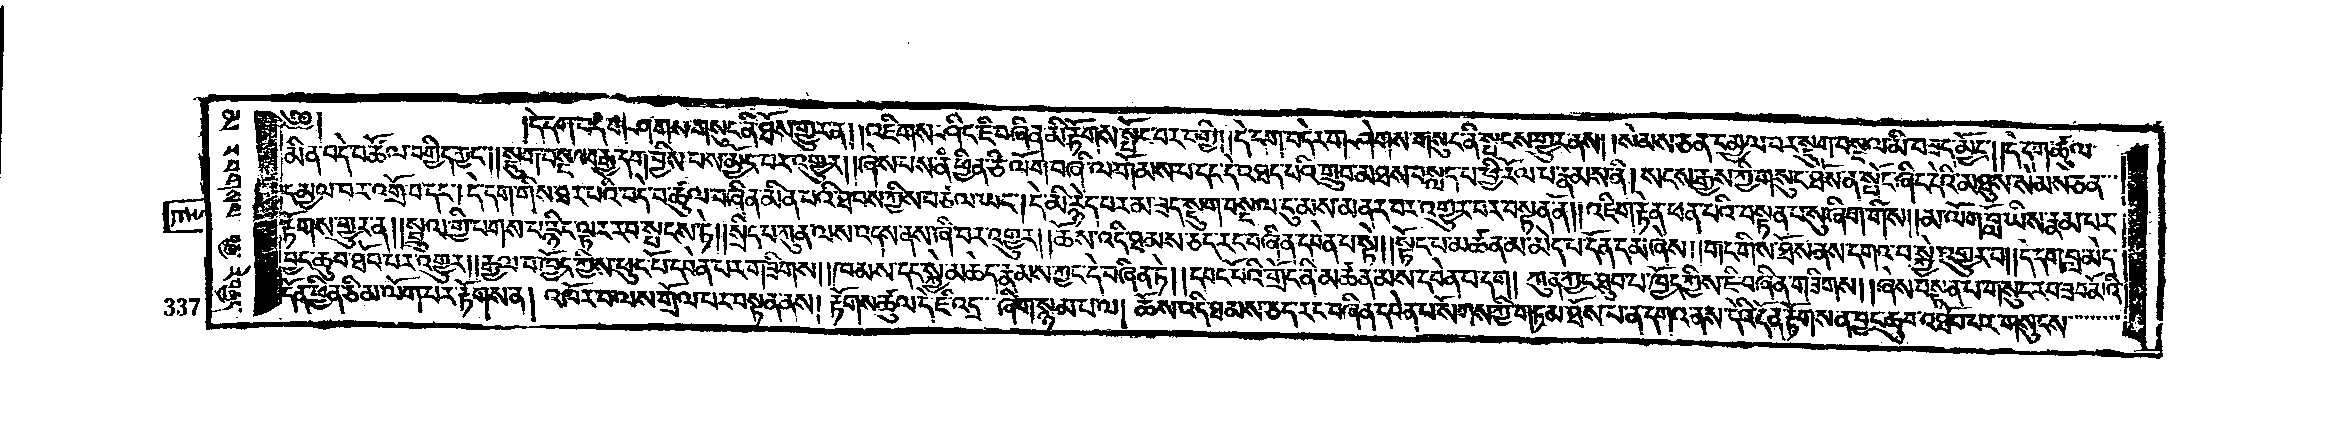༄༅། །དེ་དག་བདེ་གཤེགས་གསུང་ནི་ཐོས་གྱུར་ན། །འཇིགས་ཤིང་ཇི་བཞིན་མི་རྟོགས་སྤོང་པར་བགྱི། །དེ་དག་བདེར་གཤེགས་གསུང་ནི་སྤངས་གྱུར་ནས། །སེམས་ཅན་དམྱལ་བར་སྡུག་བསྔལ་མི་བཟད་མྱོང་། །དེ་དག་ཚུལ་
མིན་བདེ་བ་ཚོལ་བགྱིད་ཀྱང་། །སྡུག་བསྔལ་བརྒྱ་དག་བྱིས་པས་མྱོང་བར་འགྱུར། །ཞེས་པས་ནི་ཕྱིན་ཅི་ལོག་བཞི་ལ་གོམས་པ་དང་དེ་འཐད་པའི་གྲུབ་མཐས་བསླད་པ་ཕྱི་རོལ་པ་རྣམས་ནི། སངས་རྒྱས་ཀྱི་གསུང་ཐོས་ན་སྤོང་ཞིང་དེའི་མཐུས་སེམས་ཅན་
དམྱལ་བར་འགྲོ་བ་དང་། དེ་དག་གིས་ཐར་པའི་བདེ་བ་ཚུལ་བཞིན་མིན་པའི་ཐབས་ཀྱིས་བཙལ་ཡང་། དེ་མི་རྙེད་པར་མ་ཟད་སྡུག་བསྔལ་དུ་མས་མནར་བར་འགྱུར་བར་བསྟན་ནོ། །འཇིག་རྟེན་ཕན་པའི་བསྟན་པ་སུ་ཞིག་གིས། །མ་ལོག་བློ་ཡིས་རྣམ་པར་
རྟོགས་གྱུར་ན། །སྦྲུལ་གྱི་པགས་པ་རྙིང་ལྟར་རབ་སྤངས་ཏེ། །སྲིད་པ་ཀུན་ལས་འདས་ནས་ཞི་བར་འགྱུར། །ཆོས་འདི་ཐམས་ཅད་རང་བཞིན་དབེན་པ་སྟེ། །སྟོང་པ་མཚན་མ་མེད་པ་དོན་དམ་ཞེས། །གང་གིས་ཐོས་ནས་དགའ་བ་སྐྱེ་འགྱུར་བ། །དེ་དག་བླ་མེད་
བྱང་ཆུབ་ཐོབ་པར་འགྱུར། །རྒྱལ་བ་ཁྱོད་ཀྱིས་ཕུང་པོ་དབེན་པར་གཟིགས། །ཁམས་དང་སྐྱེ་མཆེད་རྣམས་ཀྱང་དེ་བཞིན་ཏེ། །དབང་པོའི་གྲོང་ནི་མཚན་མས་དབེན་པ་དག །ཀུན་ཀྱང་ཐུབ་པ་ཁྱོད་ཀྱིས་ཇི་བཞིན་གཟིགས། །ཞེས་བསྟན་པ་གསུང་རབ་ཟབ་མོའི་
དོན་ཕྱིན་ཅི་མ་ལོག་པར་རྟོགས་ན། འཁོར་བ་ལས་གྲོལ་པར་བསྟན་ནས། རྟོགས་ཚུལ་དེ་ཇི་འདྲི་ཞིག་སྙམ་པ་ལ། ཆོས་འདི་ཐམས་ཅད་རང་བཞིན་དབེན་པ་སོགས་ཀྱི་གཏམ་ཐོས་པ་ན་དགའ་ནས་དེའི་དོན་རྟོགས་ན་བྱང་ཆུབ་འཐོབ་པར་གསུངས་